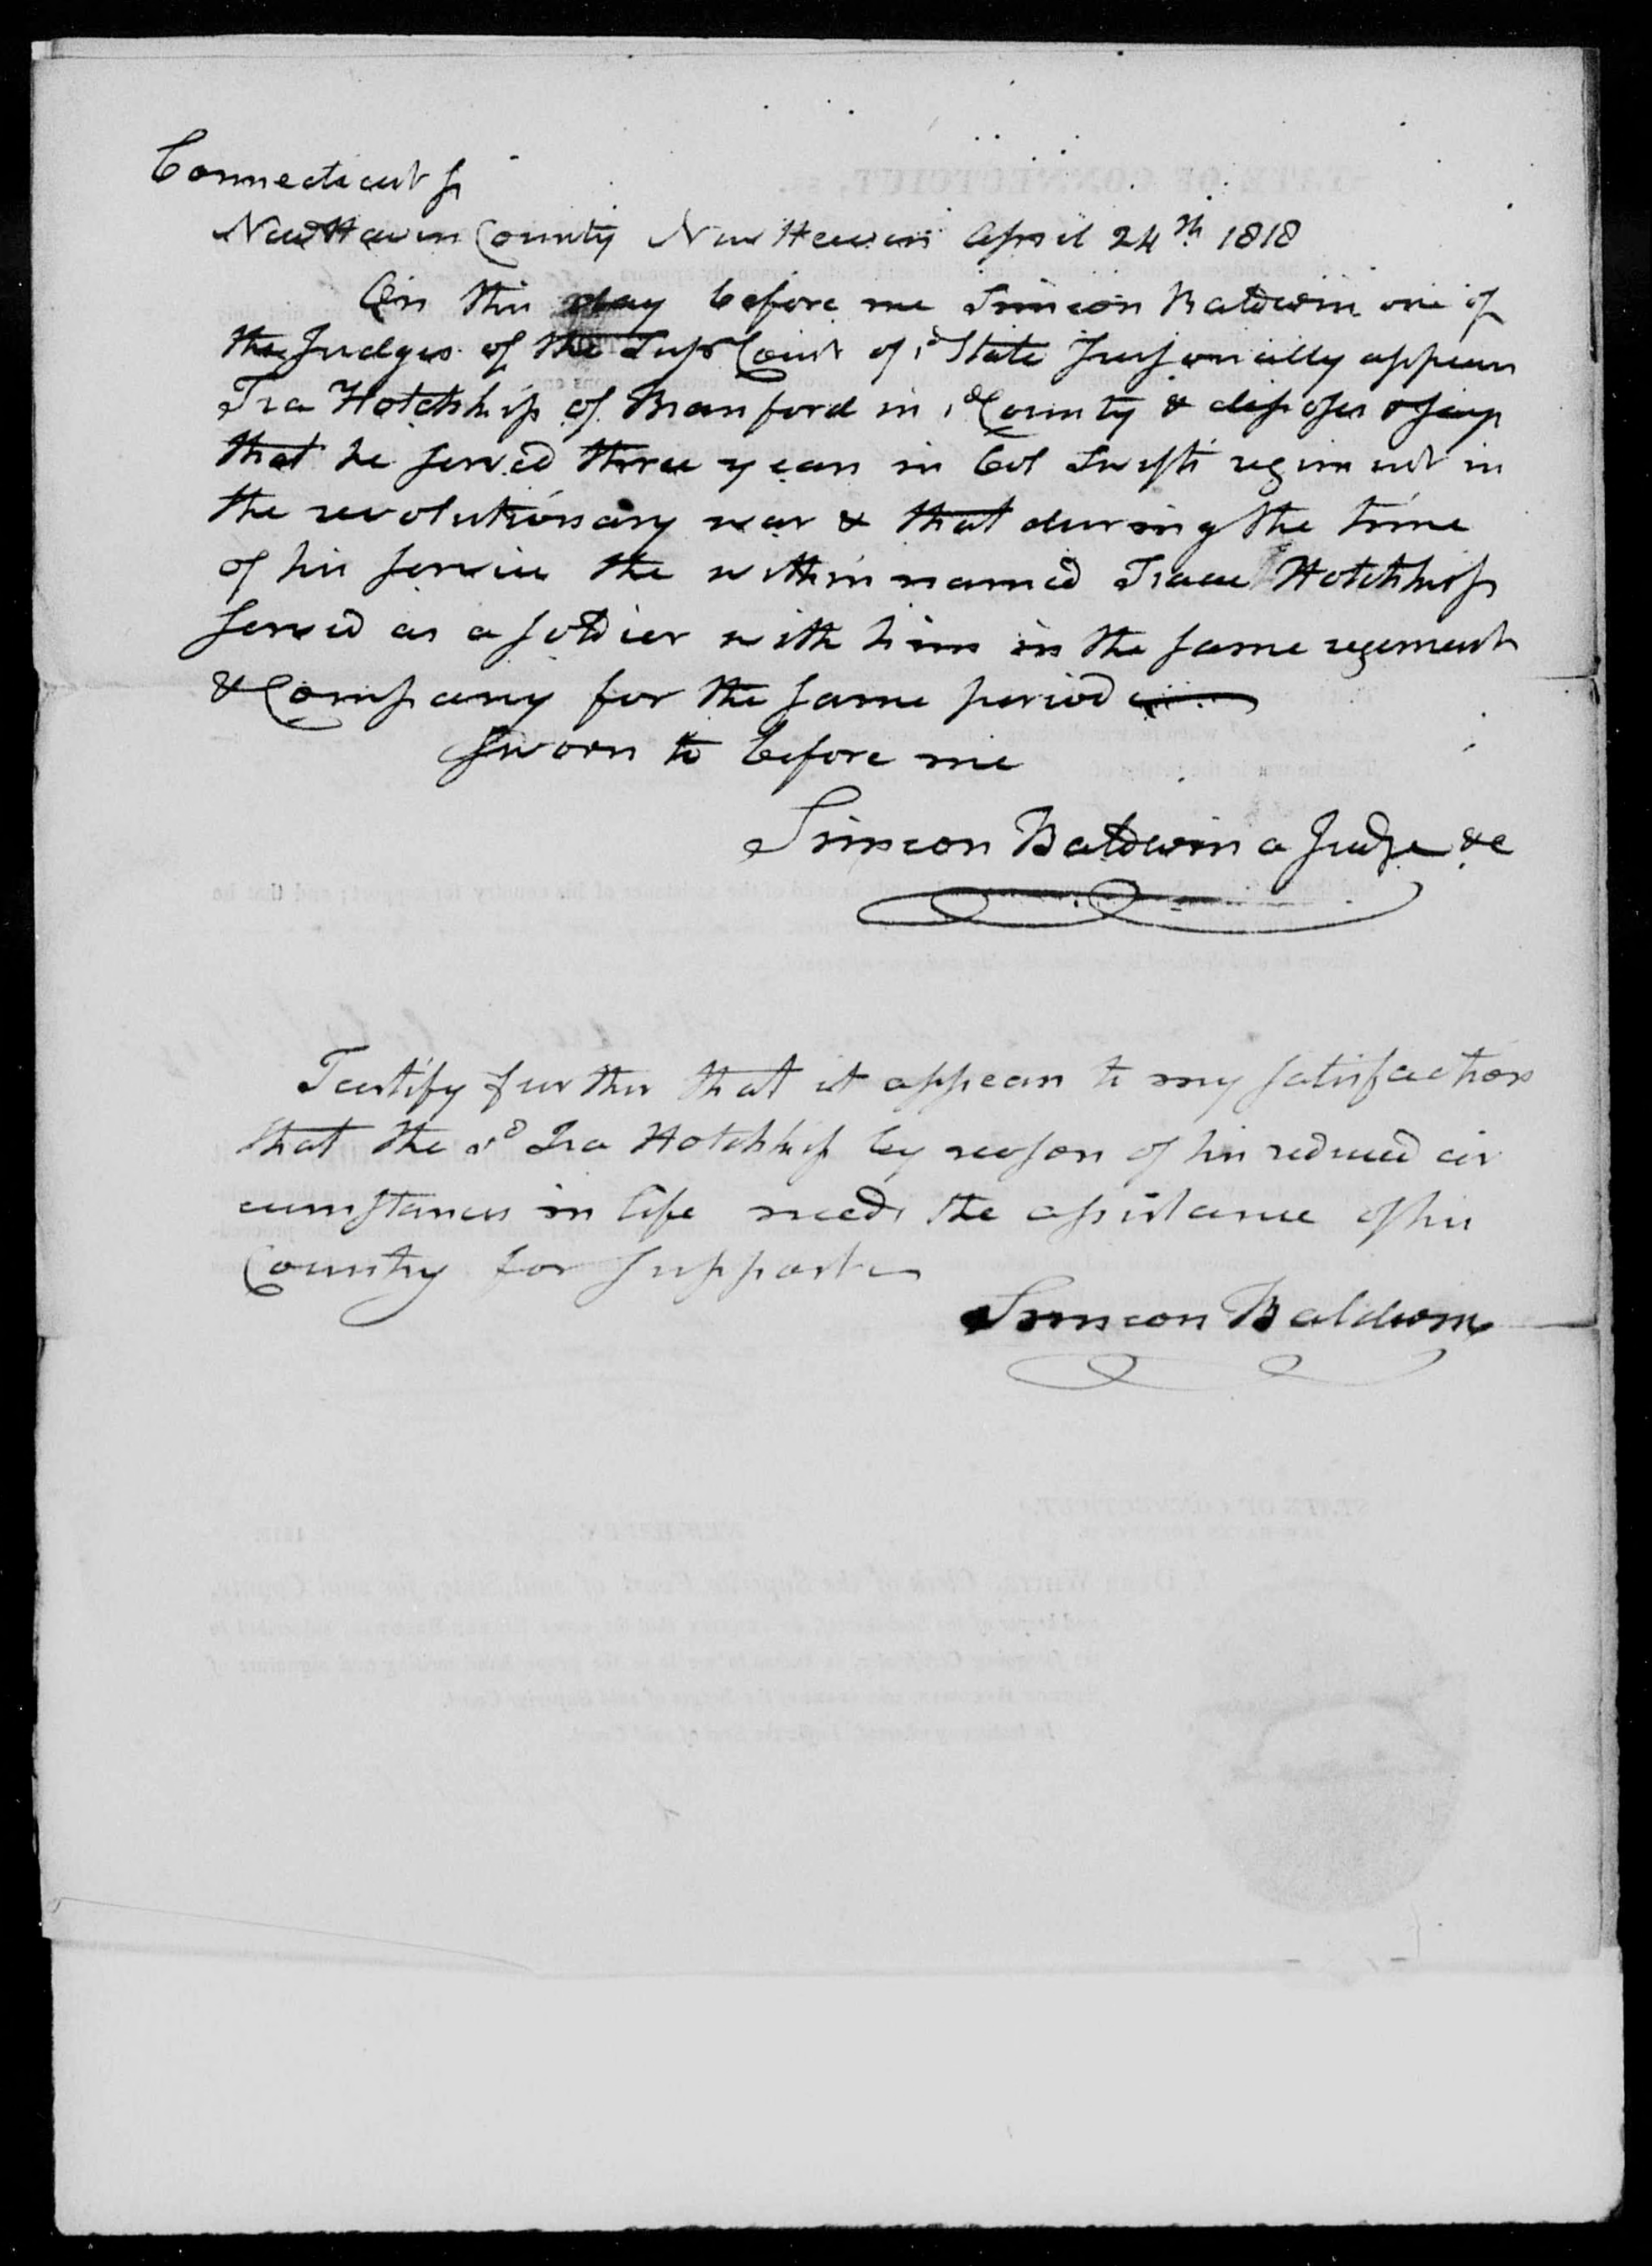Connecticut SS
New Haven County New Haven April 24th 1818
On this day before me Simeon Baldwin on of the Judges of the [illegible] Court of sd State  personally appeared Ira Hotchkiss of Branford in se County & deposes [illegible] that he served three years in Col [illegible] regiment in the revolutionary war & that during the time of his service the within named Isaac Hotchkiss served as a soldier with him in the same regiment & company for the same period  ~
Sworn to before me
Simeon Baldwin a Judge 

I certify further that it appears to my satisfaction that the sd Ira Hotchkiss by reason of his reduced circumstances in life needs the assistance of his country for support ~ 
Simeon Baldwin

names: Ira Hotchkiss, Isaac Hotchkiss, Simeon Baldwin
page: 6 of 25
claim: widow's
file: W. 18,021, Isaac Hotchkiss, Conn.